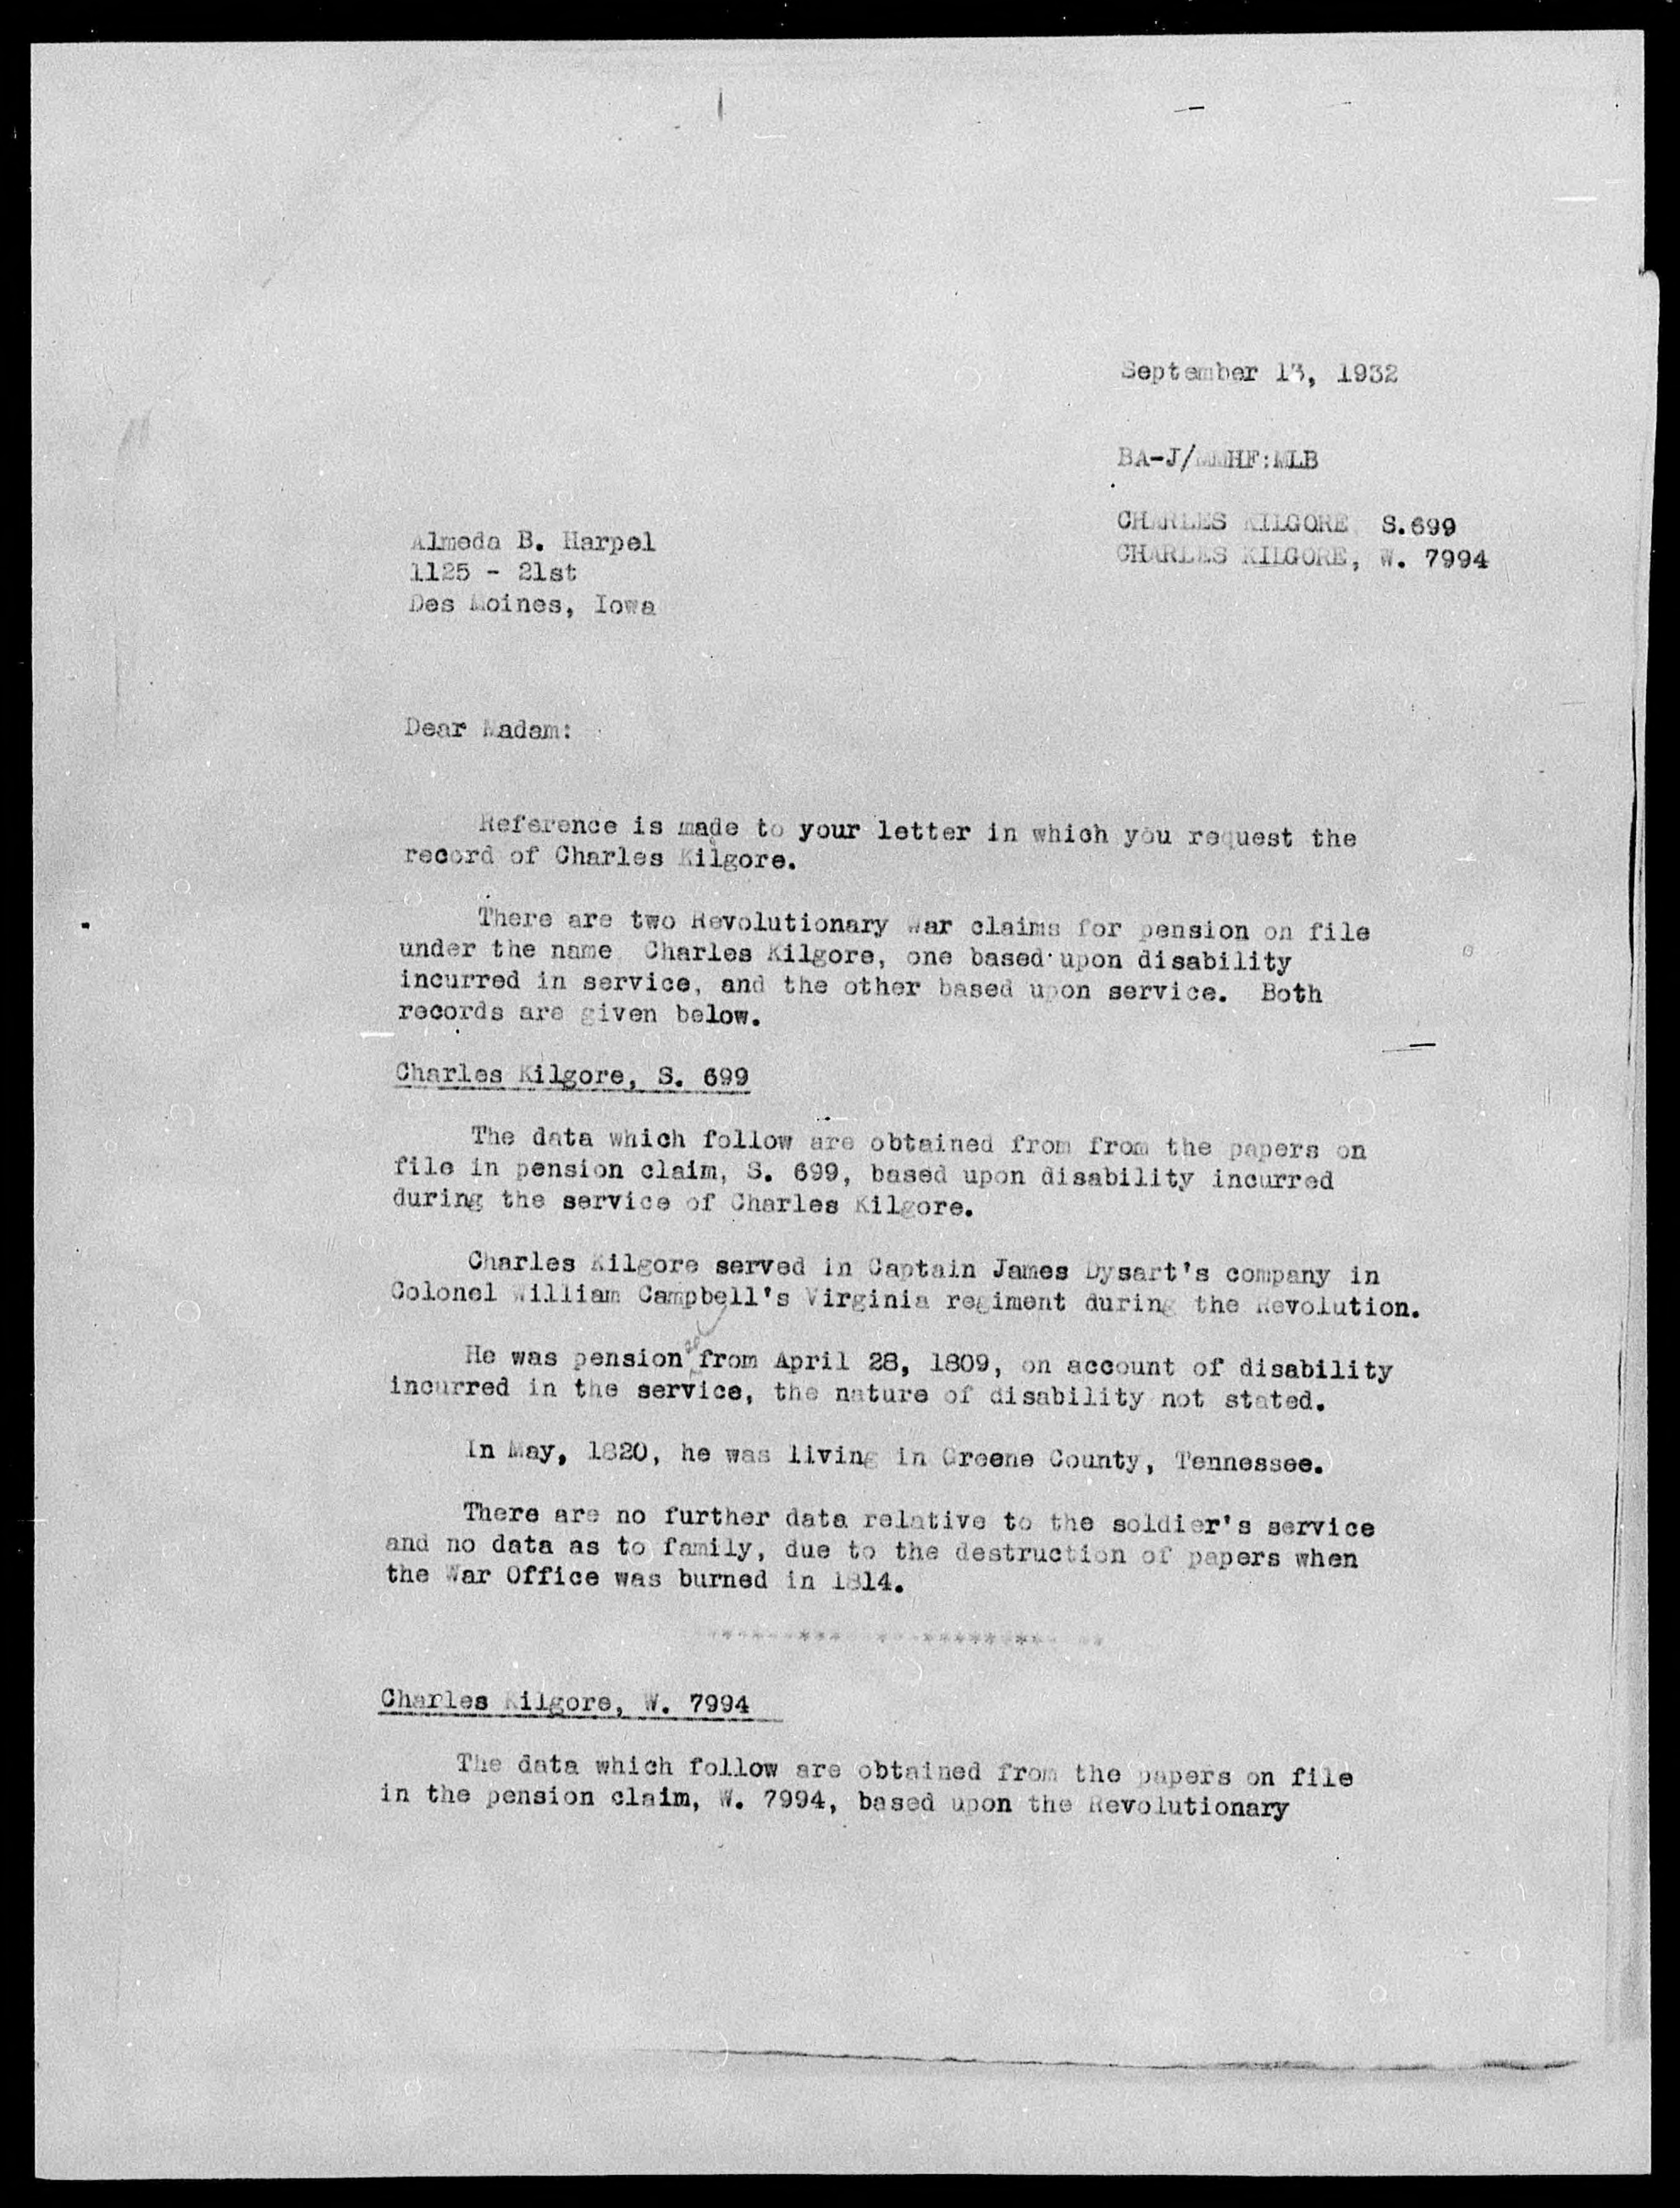September 13, 1932
BA-J/MMHF:MLB
CHARLES KILGORE, S.699
CHARLES KILGORE, W. 7994

Almeda B. Harpel
1125 - 21st
Des Moines, Iowa

Dear Madam:
Reference is made to your letter in which you request the record of Charles Kilgore.
There are two Revolutionary War claims for pension on file under the name Charles Kilgore, one based upon disability incurred in service, and the other based upon service. Both records are given below.

Charles Kilgore, S. 699
The data which follow are obtained from from the papers on file in pension claim, S. 699, based upon disability incurred during the service of Charles Kilgore.
Charles Kilgore served in Captain James Dysart's company in Colonel William Campbell's Virginia regiment during the Revolution.
He was pensioned from April 28, 1809, on account of disability incurred in the service, the nature of disability not stated.
In May, 1820, he was living in Greene County, Tennessee.
There are no further data relative to the soldier's service and no data as to family, due to the destruction of papers when the War Office was burned in 1814.

Charles Kilgore, W. 7994
The data which follow are obtained from the papers on file in the pension claim, w. 799r, based upon the Revolutionary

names: Almeda B Harpel; Charles Kilgore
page: 15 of 115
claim: survivor's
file: S. 699, for Charles Kilgore, Virginia